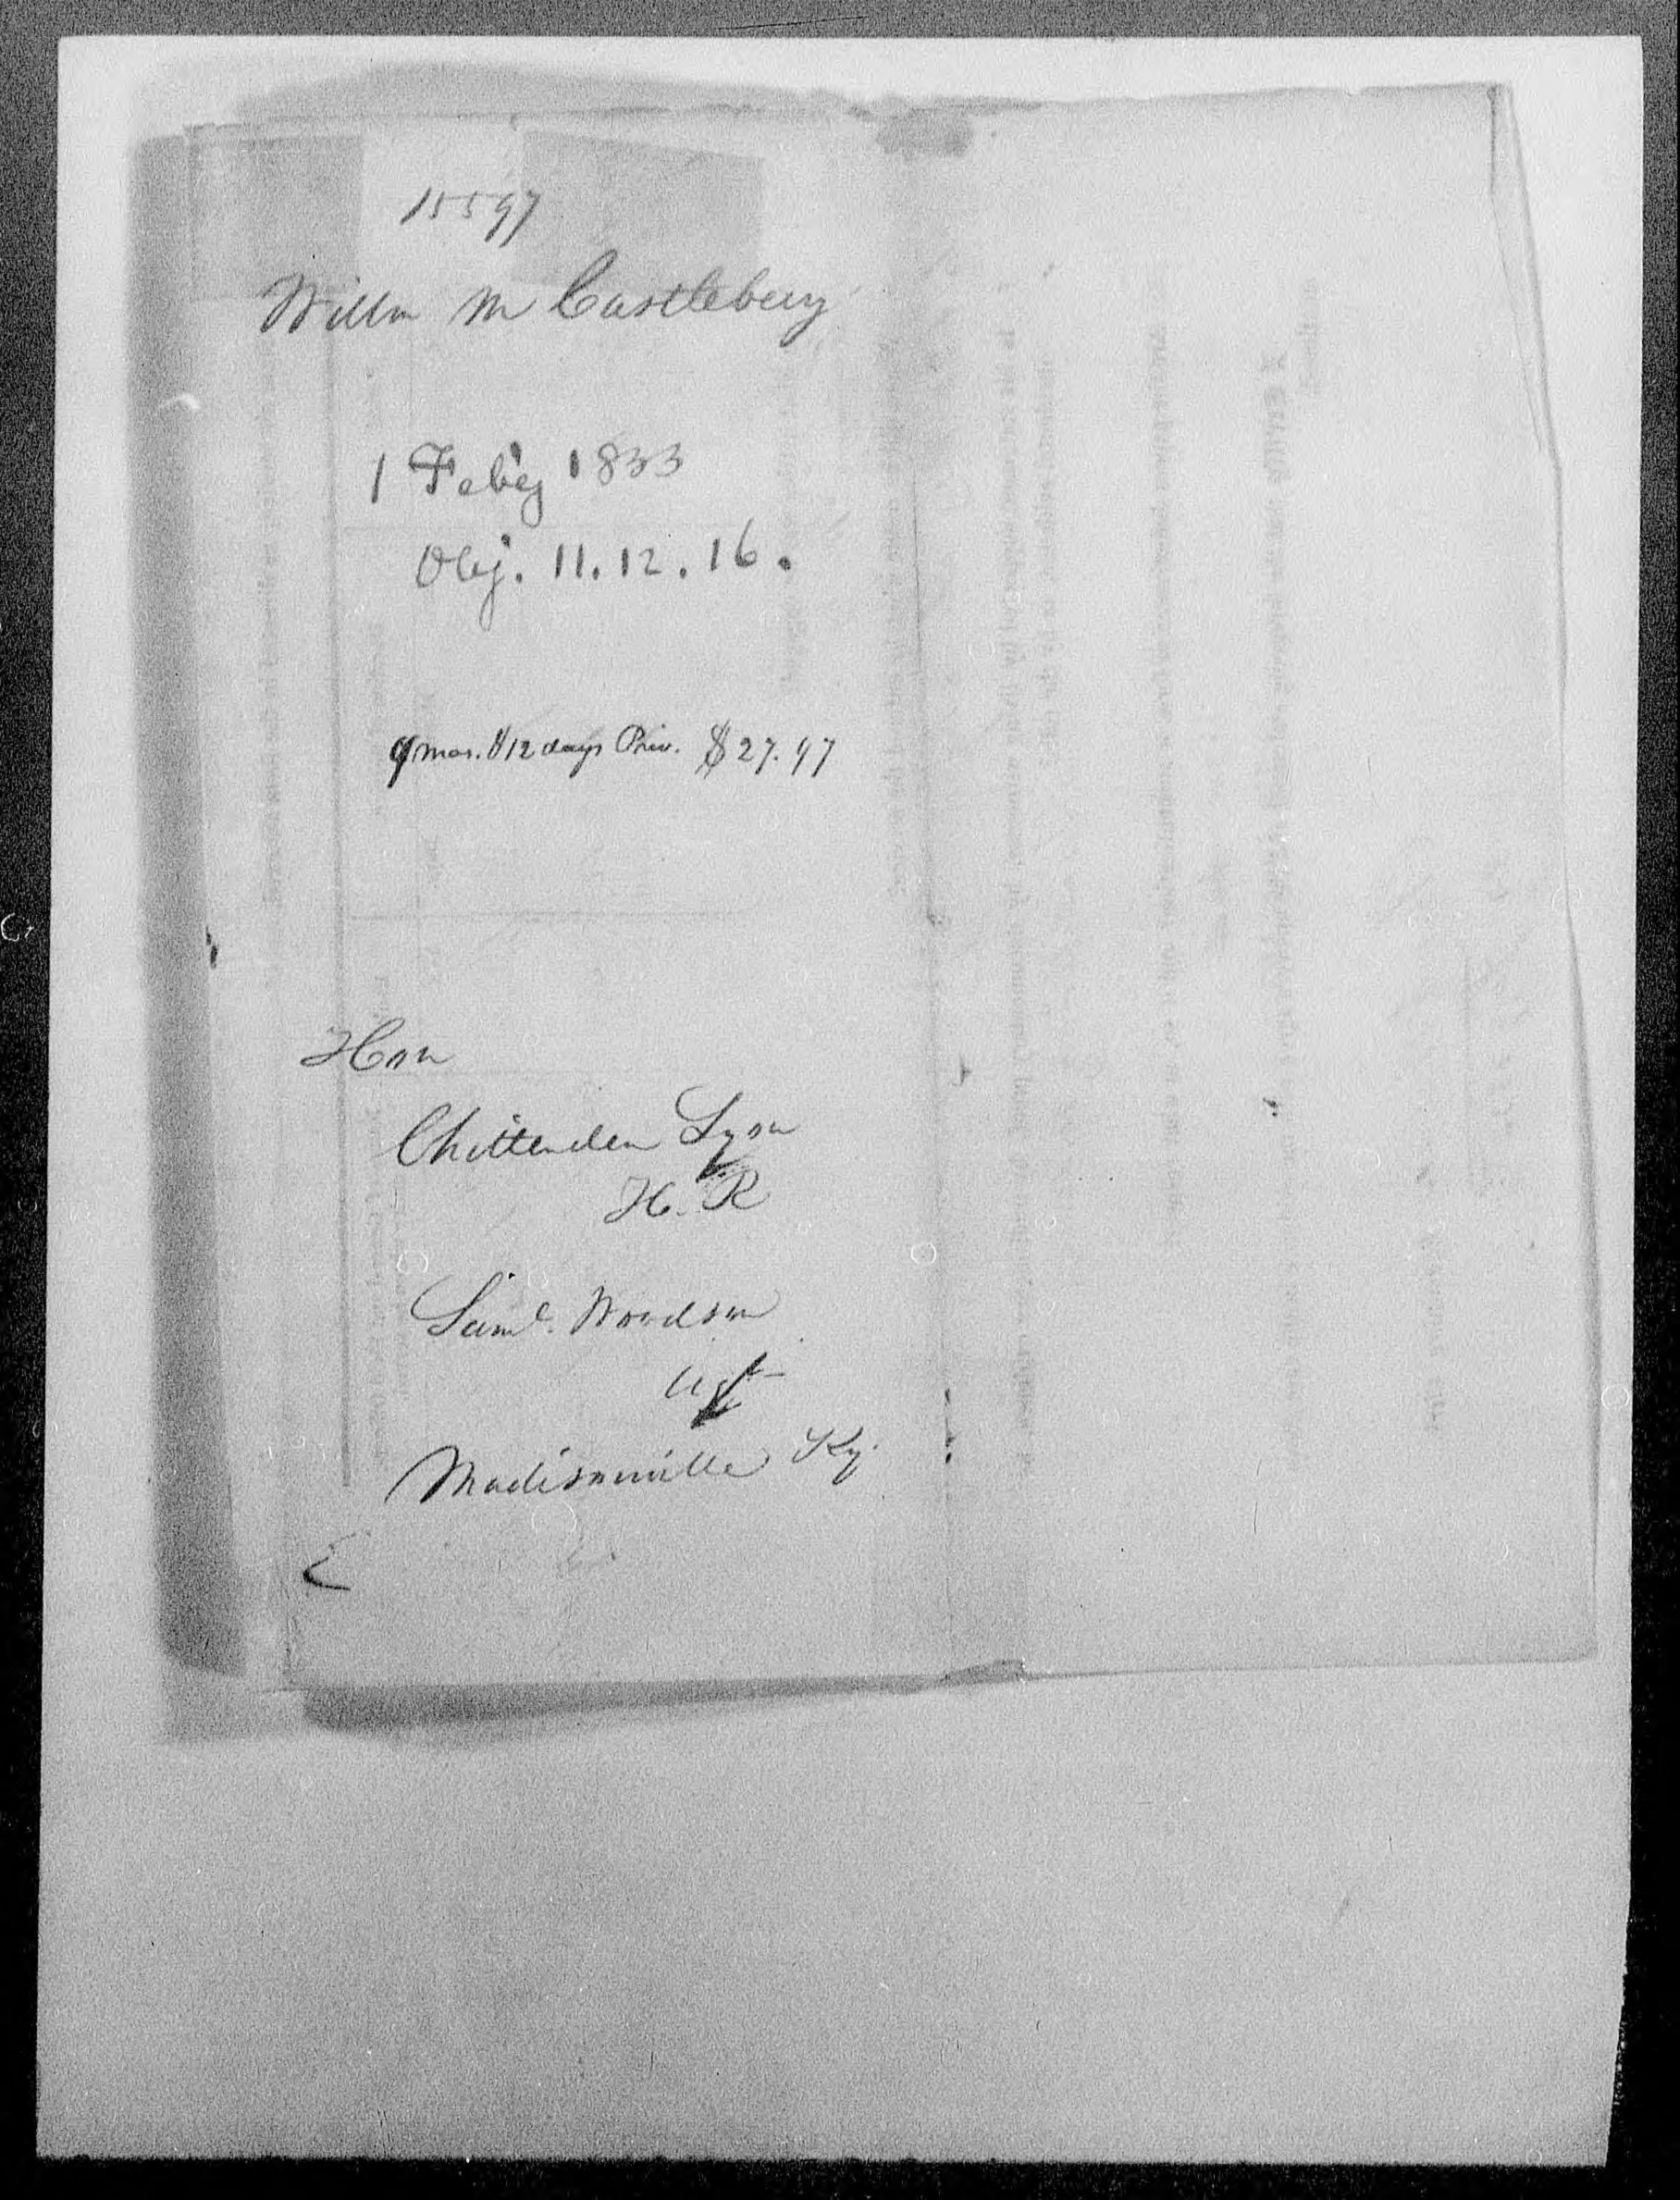15597
Willm M Castleberry

1 Feb'y 1833
Obj. 11.12.16.

9 mos. & 12 days Priv. $27.97

Hon Chittenden Lyon
H. R.
Saml Woodson
Agt.
Madisonville Ky.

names: Chittenden Lyon, Willm M Castlebery, Saml Woodson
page: 7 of 20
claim: survivor's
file: S. 16,337, William M Castleberry, Ga.